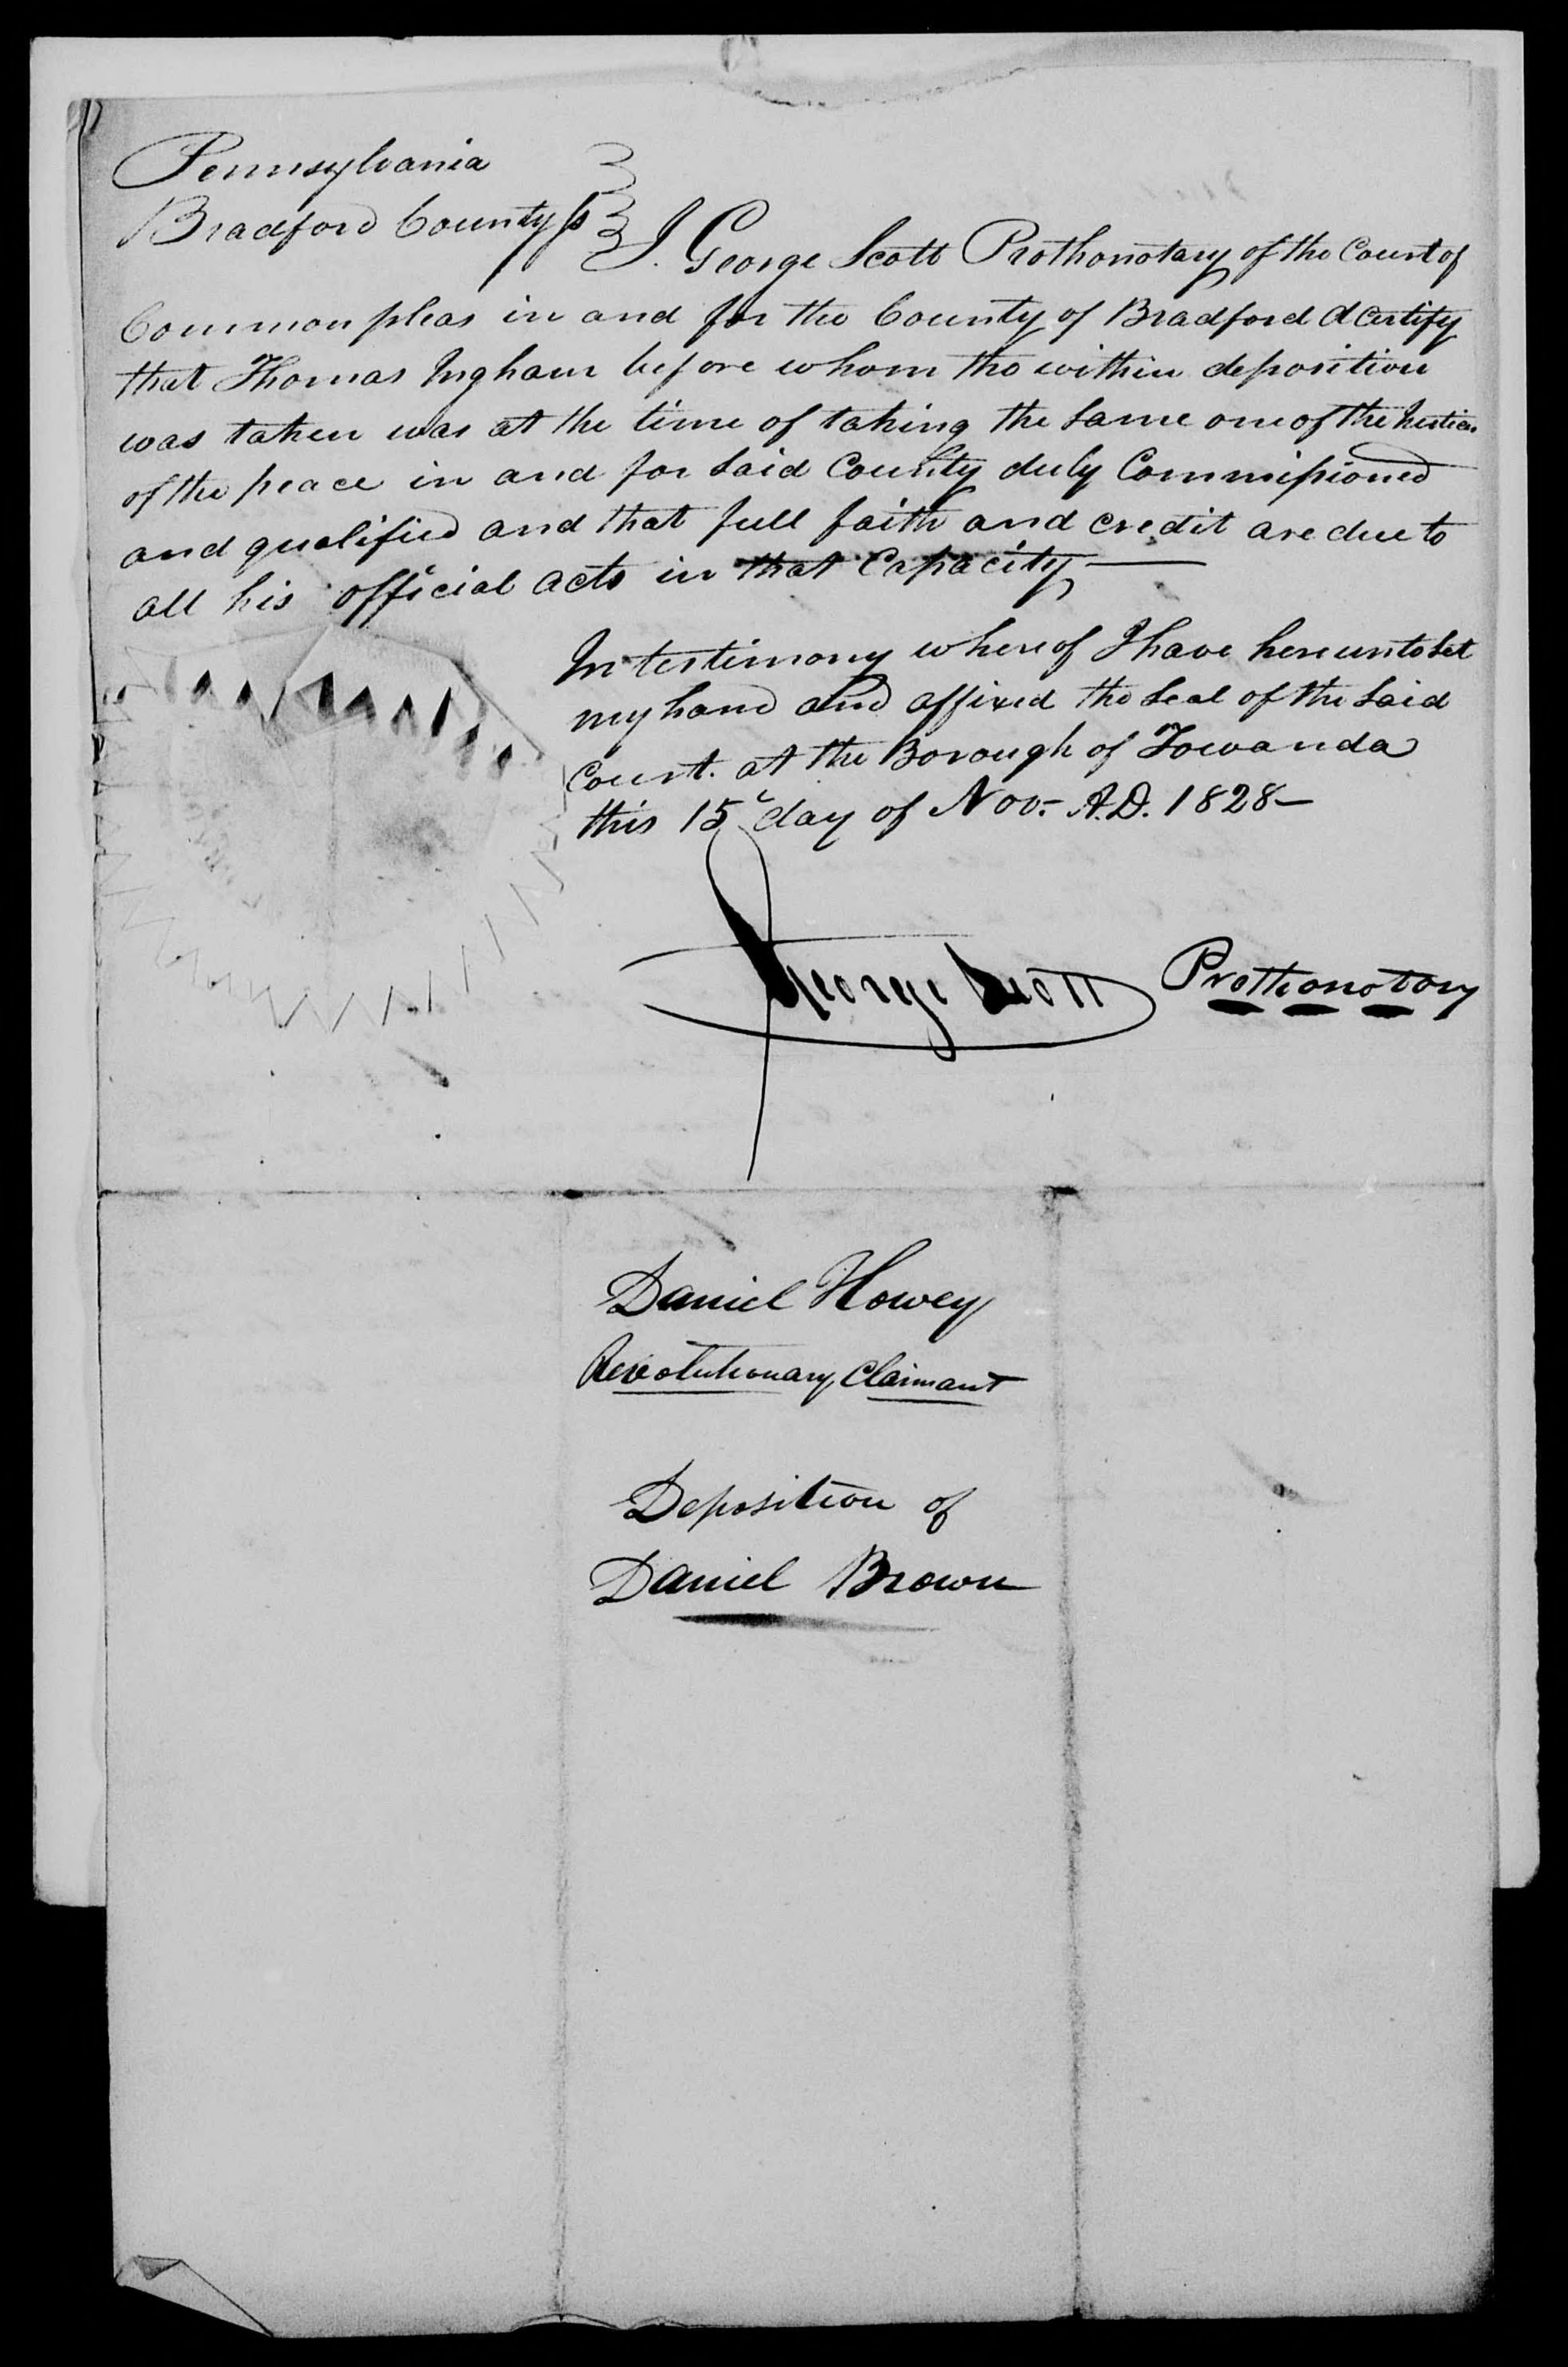Pennsylvania
Bradford County P 
I George Scott Prothonotary of the Court of Common pleas in and for the County of Bradford do certify that Thomas Ingham before whom the within deposition was taken was at the time of taking the same one of the Justice of the peace in and for said county duly Commissioned and qualified and that full faith and credit are due to all his official acts in that capacity. In testimony whereof I have here unto set my hand and affixed the seal of the said Court at the Borough of Towanda this 15th day of Nov. A.D. 1828
George Scott Prothonotory
[seal visible on left hand side]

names: Daniel Brown, George Scott, Daniel Howey, Thomas Ingham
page: 18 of 25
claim: rejected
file: R. 5190, Daniel Howey, New Jersey New York